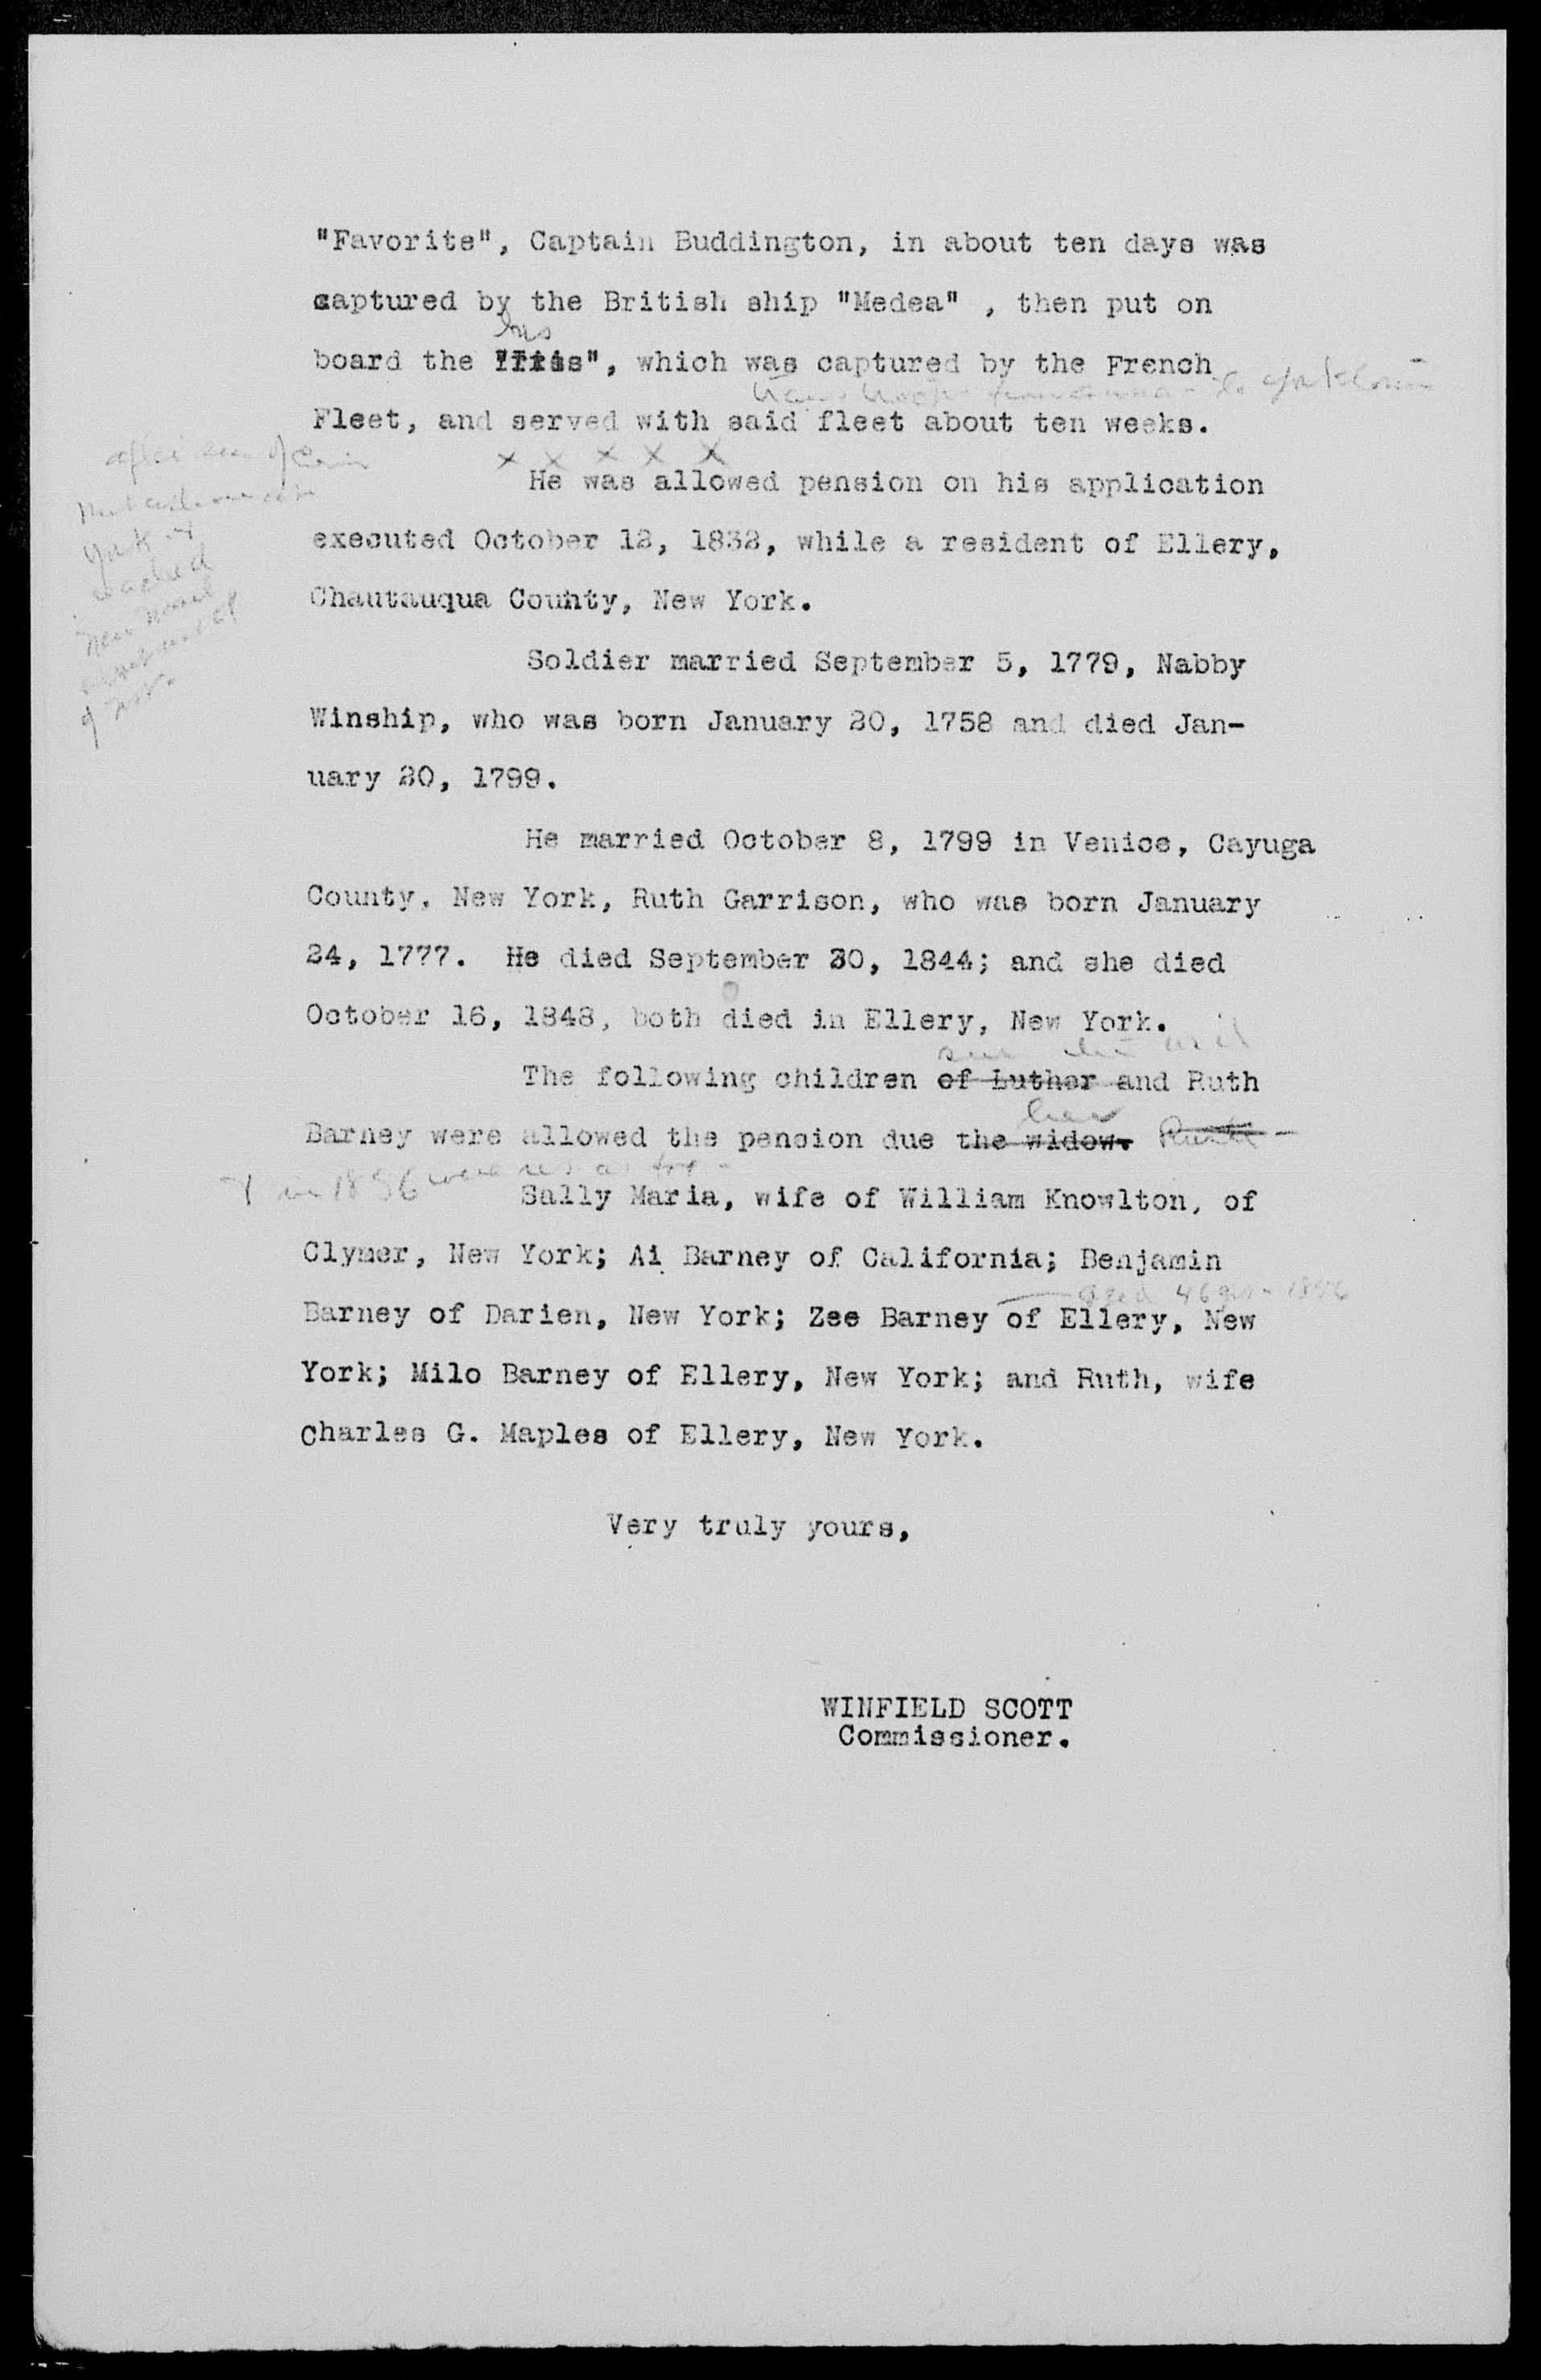"Favorite", Captain Buddington, in about ten days was
captured by the British ship " Medea" , then put on board the Iris", which was captured by the French Fleet, and served with said fleet about ten weeks.
[inserted:] trans troops from Annap to Yorktown

He was allowed pension on his application executed October 12, 1832, while a resident of Ellery, Chautauqua County, New York.

Soldier married September 5, 1779, Nabby Winship, who was born January 20, 1758 and died January 20, 1799.

He married October 8, 1799 in Venice, Cayuga County, New York, Ruth Garrison, who was born January 24, 1777. He died September 30, 1844; and she died October 16, 1848, both died in Ellery, New York.

The following children of Luther and Ruth Barney were allowed the pension due the widow [crossed out] her & in 1856 were [illegible]

Sally Maria, wife of William Knowlton, of Clymer, New York; Ai Barney of California; Benjamin Barney of Darien, New York; Zee Barney [aged 46 in 1856] of Ellery, New York; Milo Barney of Ellery, New York; and Ruth, wife Charles G. Maples of Ellery, New York.

Very truly yours,
WINFIELD SCOTT
Commissioner.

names: Charles G Maples, Ruth Maples, Milo Barney, Buddington, Benjamin Barney, Zee Barney, Ruth Barney, Luther Barney, Sally Maria Knowlton, William Knowlton, Ai Barney, Ruth Garrison, Winfield Scott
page: 61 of 61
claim: widow's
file: W. 4.124, Luther Barney, Conn. Privateer.